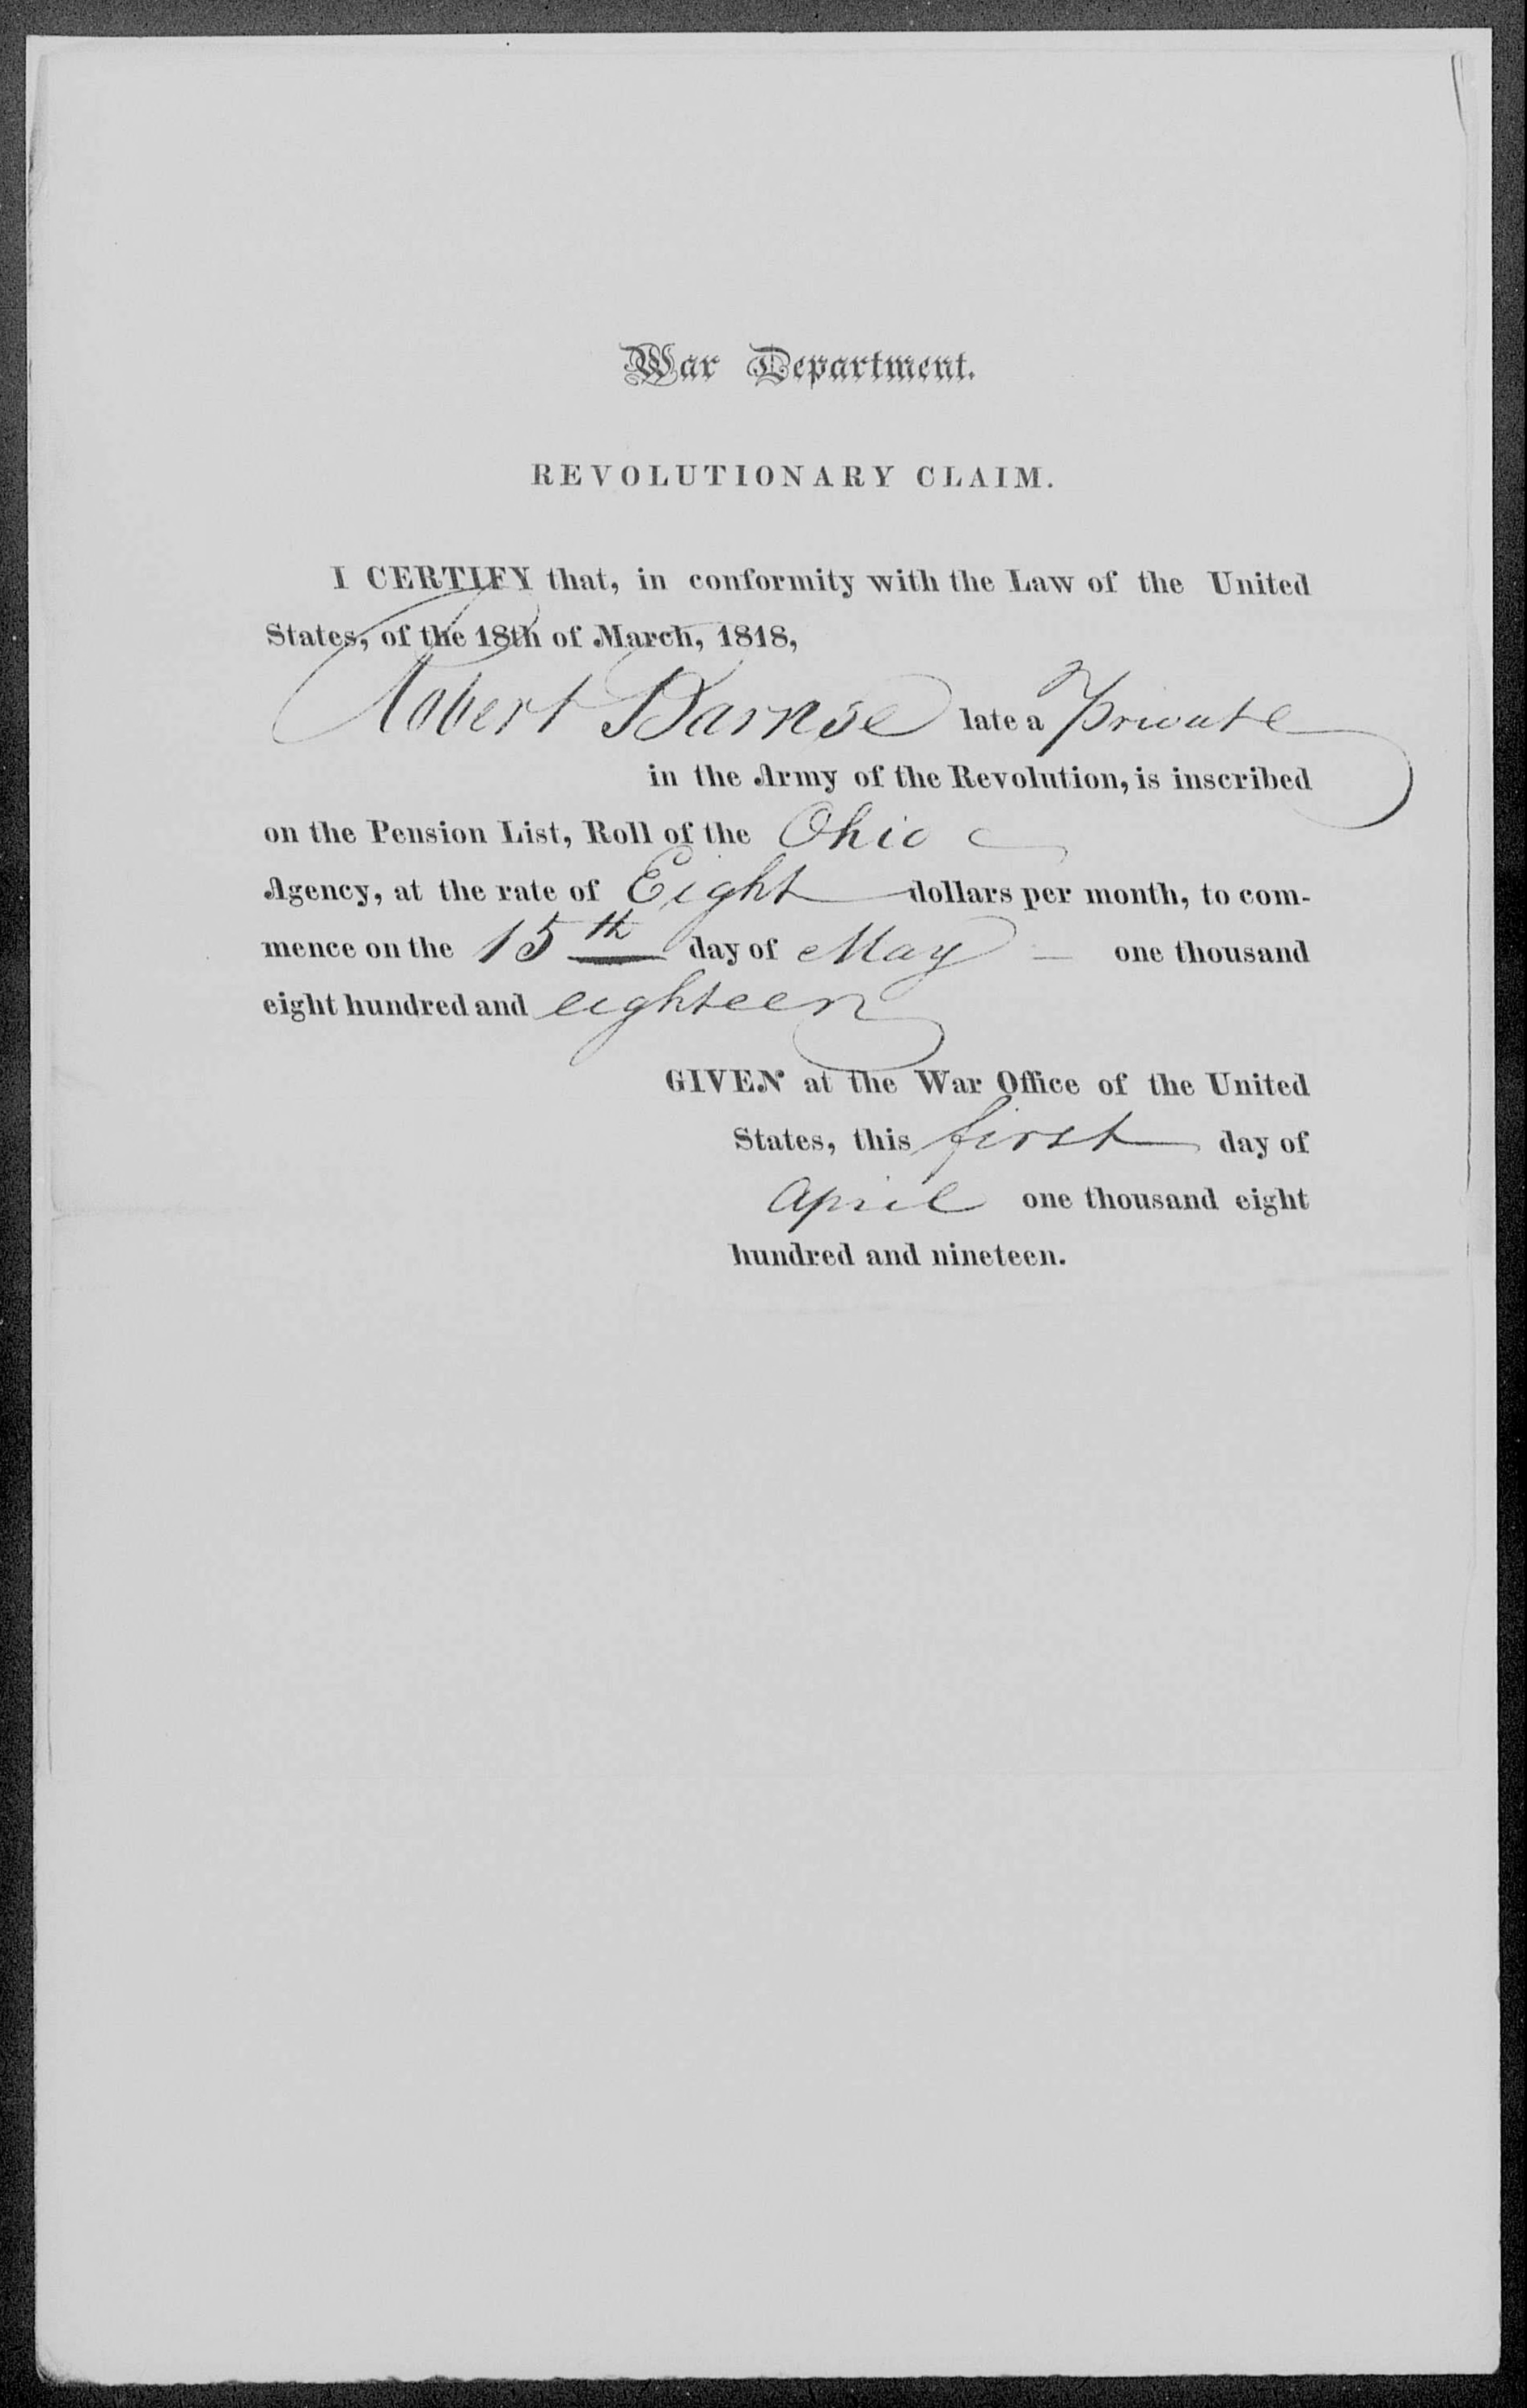War Department.

Revolutionary Claim.

    I certify that, in conformity with the Law of the United States, of the 18th of March, 1818,

Robert Barnse late a private in the Army of the Revolution, is inscribed on the Pension List, Roll of the Ohio Agency, at the rate of Eight dollars per month, to commence on the 15th day of May one thousand eight hundred and eighteen hundred and nineteen.

Given at the War Office of the United States, this first day of April one thousand eight hundred and nineteen.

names: Robert Barnse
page: 8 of 9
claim: survivor's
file: S. 45240, Robert Barnse, Continental Penn.